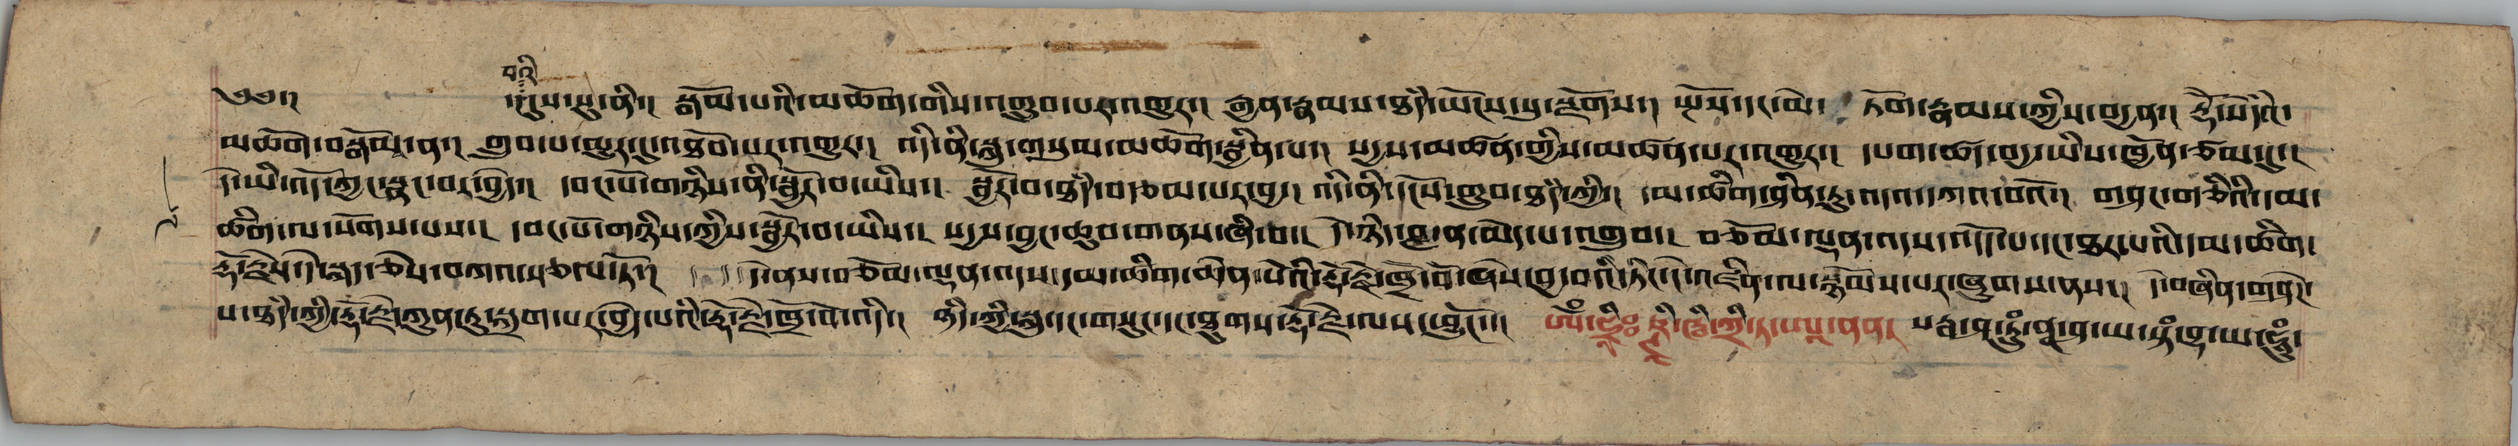༄༅་། ་།དུས་སུ་ནི་། སྒོམ་པའི་མཆོག་གིས་འགྲུབ་པར་འགྱུར་། རྒྱན་རྣམས་ཐཾད་ཡོངས་སུ་སྫོགས་། སྤོས་དང་མེ་ ཏོག་རྣམས་ཀྱིས་བདྱན་། རྡོེ་སེདཾའ་
མཆོག་བསྒོམ་ན་། གྲུབ་པ་མྱུར་དུ་འཐོབ་པར་འགྱུར་། འདི་ནི་སྐུ་གསུམ་མཆོག་སྦྱིན་པ་། སདྱས་མཚན་གྱིས་མཚན་པར་འགྱུར་། དཔག་ཚད་བདྱ་ཡིས་ཁྱོན་ཙམ་དུ་།
དེ་ཡི་འོད་ཀྱང་སྣང་བར་བྱེད་། དབང་པོ་གཉིས་ནི་སྦྱོར་བ་ཡིས་། སྦྱོར་བ་ཐཾད་བརྩམ་པར་བྱ་། འདི་ནི་དངོས་གྲུབ་ཐཾད་ཀྱི་། དམ་ཚིག་ཤིན་ཏུ་འདའ་དཀའ་བའོ་། གཤང་གཅིའི་དམ་
ཚིག་ལ་སོགས་པས་། དབང་པོ་གཉིས་ཀྱིས་སྦྱོར་བ་ཡིས་། སདྱས་བྱང་ཆུབ་གནས་ཞི་བ་། དེ་ཉིད་བླ་ན་མེད་པ་འགྲུབ་། བཅོམ་ལྡན་འདས་འདོད་པ་དང་ཐར་པའི་དམ་ཚིག་
རྡོ་རྗེས་དེ་སྐད་ཅེས་བཀའ་སྩལ་ཏོ་། དེ་ནས་བཅོམ་ལྡན་འདས་དམ་ཚིག་ཆེན་པོའི་རྡོ་རྗེ་ཁྲོ་བོ་ཞེས་བྱ་བའི་ཏིང་ངེ་འཛིན་ལ་སྙོམས་པར་ཞུགས་ནས་། དེ་བཞིན་གཤེཌ་
པ་ཐཾད་ཀྱི་རྡོ་རྗེ་ཀུན་ཏུ་སྐྲག་པར་བྱེད་པའི་རྡོ་རྗེ་ཁྲོ་བོ་འདི་། ཉིད་ཀྱི་སྐུ་དང་གསུང་དང་ཐུགས་རྡོ་རྗེ་ལས་ཕྱུངོ་་། ཨོཾ་ཧྲཱིཿཥྚི་ཝི་ཀྲི་ཏ་ཨཱ་ནན། སརྦ་ཤ་ཏྲུཾ་ནཱ་ཤ་ཡ་སྟཾ་བྷ་ཡ་ཧཱུཾ་